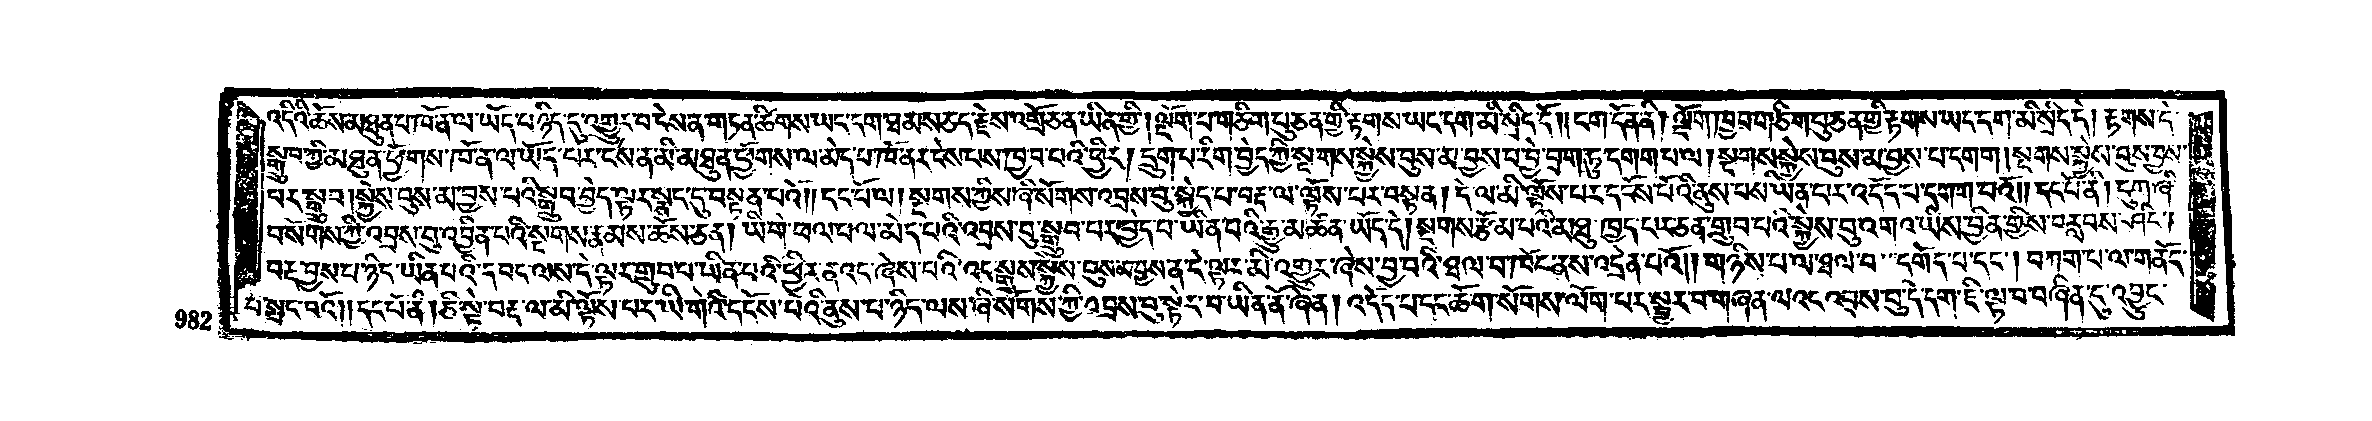འདིའི་ཆོས་མཐུན་པ་ཁོ་ན་ལ་ཡོད་པ་ཉིད་དུ་འགྱུར་བ་ངེས་ན་གཏན་ཚིགས་ཡང་དག་ཐམས་ཅད་རྗེས་འགྲོ་ཅན་ཡིན་གྱི། ལྡོག་པ་གཅིག་པུ་ཅན་གྱི་རྟགས་ཡང་དག་མི་སྲིད་དོ། །ངག་དོན་ནི། ལྡོག་ཁྱབ་གཅིག་པུ་ཅན་གྱི་རྟགས་ཡང་དག་མི་སྲིད་དེ། རྟགས་དེ་སྒྲུབ་ཀྱི་མཐུན་ཕྱོགས་ཁོ་ན་ལ་ཡོད་པར་ངེས་ན་མི་མཐུན་ཕྱོགས་ལ་མེད་པ་ཁོ་ནར་ངེས་པས་ཁྱབ་པའི་ཕྱིར། དྲུག་པ་རིག་བྱེད་ཀྱི་སྔགས་སྐྱེས་བུས་མ་བྱས་པ་བྱེ་བྲག་ཏུ་དགག་པ་ལ། སྔགས་སྐྱེས་བུས་མ་བྱས་པ་དགག །སྔགས་སྐྱེས་བུས་བྱས་
པར་སྒྲུབ། སྐྱེས་བུས་མ་བྱས་པའི་སྒྲུབ་བྱེད་ལྟར་སྣང་དུ་བསྟན་པའོ། །དང་པོ་ལས། སྔགས་ཀྱིས་ཞི་སོགས་འབྲས་བུ་སྐྱེད་པ་བརྡ་ལ་ལྟོས་པར་བསྟན། དེ་ལ་མི་ལྟོས་པར་དངོས་པོའི་ནུས་པས་ཡིན་པར་འདོད་པ་དགག་པའོ། །དང་པོ་ནི། དྲུག་ཞི་
བ་སོགས་ཀྱི་འབྲས་བུ་འབྱིན་པའི་སྔགས་རྣམས་ཆོས་ཅན། ཡི་གེ་ཕལ་པ་ལ་མེད་པའི་འབྲས་བུ་སྒྲུབ་པར་བྱེད་པ་ཡིན་པའི་རྒྱུ་མཚན་ཡོད་དེ། སྔགས་རྩོམ་པའི་མཐུ་ཁྱད་པར་ཅན་གྲུབ་པའི་སྐྱེས་བུ་འགའ་ཡིས་བྱིན་གྱིས་བརླབས་ཤིང་།
བརྡ་བྱས་པ་ཉིད་ཡིན་པའི་དབང་ལས་དེ་ལྟར་གྲུབ་པ་ཡིན་པའི་ཕྱིར་ནའང་ཞེས་པའི་འདི་སྒྲས་སྐྱེས་བུས་མ་བྱས་ན་དེ་ལྟར་མི་འགྱུར་ཞེས་བྱ་བའི་ཐལ་བ་ཁོང་ནས་འདྲེན་པའོ། །གཉིས་པ་ལ་ཐལ་བ་དགོད་པ་དང་། བཀག་པ་ལ་གནོད་
པ་སྤང་བའོ། །དང་པོ་ནི། ཅི་སྟེ་བརྡ་ལ་མི་ལྟོས་པར་ཡི་གེའི་དངོས་པོའི་ནུས་པ་ཉིད་ལས་ཞི་སོགས་ཀྱི་འབྲས་བུ་སྟེར་བ་ཡིན་ནོ་ཞེ་ན། འདོད་པ་དང་ཆོ་ག་སོགས་ལོག་པར་སྦྱར་བ་གཞན་ལའང་འབྲས་བུ་དེ་དག་ཇི་ལྟ་བ་བཞིན་དུ་འབྱུང་